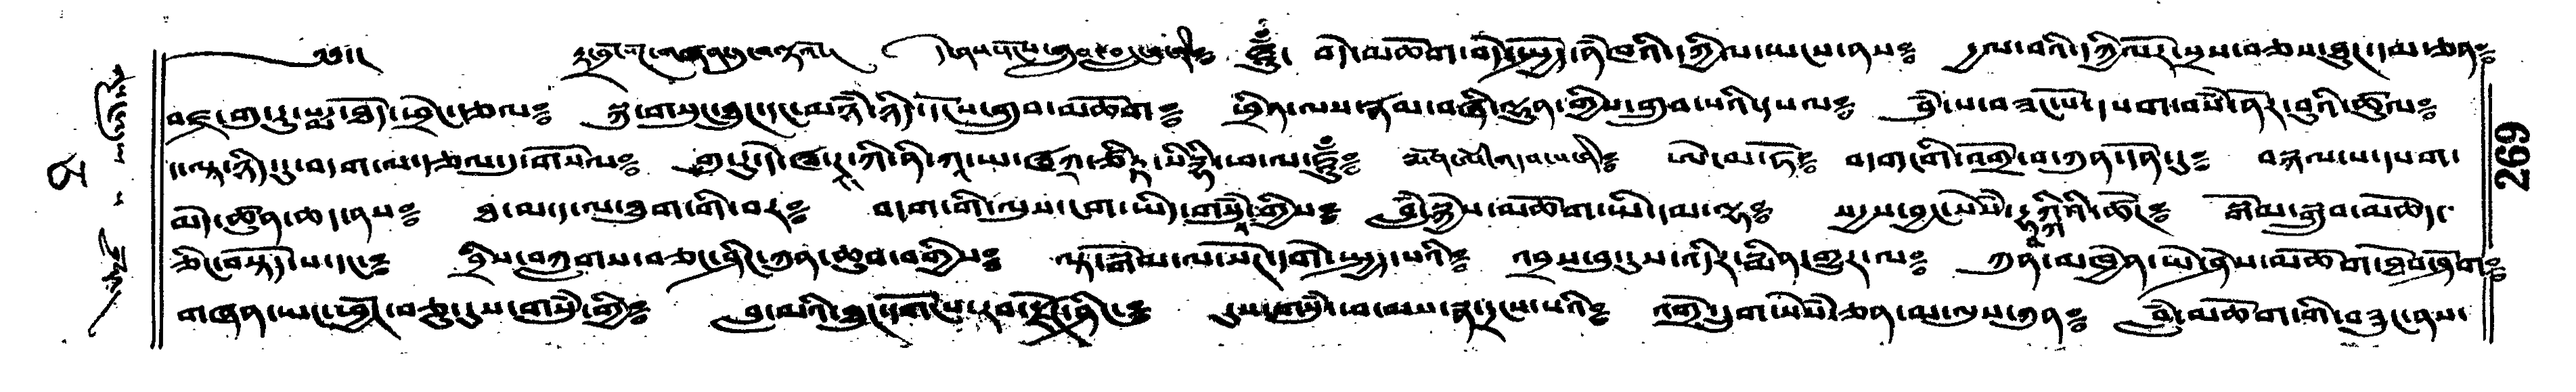རྟ་བྲོ་སོགས་གཞན་དུ་བལྟའོ། དེ་ནས་དངོས་གྲུབ་བླང་བ་ནི། ཧཱུྃ༔ བདེ་མཆོག་བདེ་སྤྱོད་ནམ་མཁའི་དཀྱིལ་ཡངས་ནས༔ རྒྱལ་བའི་དཀྱིལ་འཁོར་སྲས་བཅས་ཐུགས་དམ་ཅན༔ 
བཛྲ་གུ་རུ་པདྨ་ཐོད་ཕྲེང་རྩལ༔ སྐུ་གསུང་ཐུགས་དང་མཉམ་ཉིད་དངོས་གྲུབ་མཆོག༔ ཕྲིན་ལས་རྣམ་བཞི་ལྷུན་གྱི་གྲུབ་པའི་དཔལ༔ བུམ་པ་བཟང་པོ་དཔག་བསམ་ནོར་བུའི་ཚུལ༔ 
ད་ལྟ་ཉིད་དུ་བདག་ལ་བསྩལ་དུ་གསོལ༔ གུ་རུ་དེ་ཝ་ཌཱ་ཀི་ནི་ཀཱ་ཡ་ཝཀྐ་ཙིཏྟ་སིདྡྷི་ཕ་ལ་ཧཱུྃ༔ སྨོན་ལམ་གདབ་པ་ནི། ཨེ་མ་ཧོ༔ བདག་གིས་འགྲོ་བ་ཀུན་དོན་དུ༔ བསྐལ་པ་དཔག་
མེད་ཚུན་ཆད་ནས༔ ཐ་མ་ད་ལ་ཐུག་གི་བར༔ བདག་གི་ལུས་ངག་ཡིད་གསུམ་གྱིས༔ བླ་མ་སྐྱེས་མཆོག་ཡི་དམ་ལྷ༔ སངས་རྒྱས་བྱང་སེམས་དྷཱཀྐིའི་ཚོགས༔ སྒོམ་སྒྲུབ་མཆོད་
ཅིང་བསྟོད་པ་དང༔ བྲིས་བཀླགས་བཅངས་ཤིང་ཀུན་ཆུབ་བགྱིསཿ ལྟ་སྒོམ་ལ་སོགས་དགེ་སྤྱད་པའི༔ འབྲས་བུ་དུས་འདིར་སྨིན་གྱུར་ནས༔ ཀུན་མཁྱེན་ཡེ་ཤེས་མཆོག་ཐོབ་ཤོག༔ 
གཞན་ཡང་ཕྱོགས་བཅུ་དུས་གསུམ་གྱི༔ བླ་མའི་ཐུགས་དགོངས་རབ་རྫོགས་ཤིང༔ དུས་གསུམ་ཕ་མས་སྣ་དྲངས་པའི༔ འགྲོ་དྲུག་སེམས་ཅན་མ་ལུས་ཀུན༔ བླ་མ་མཆོག་གི་བཟུང་ནས་